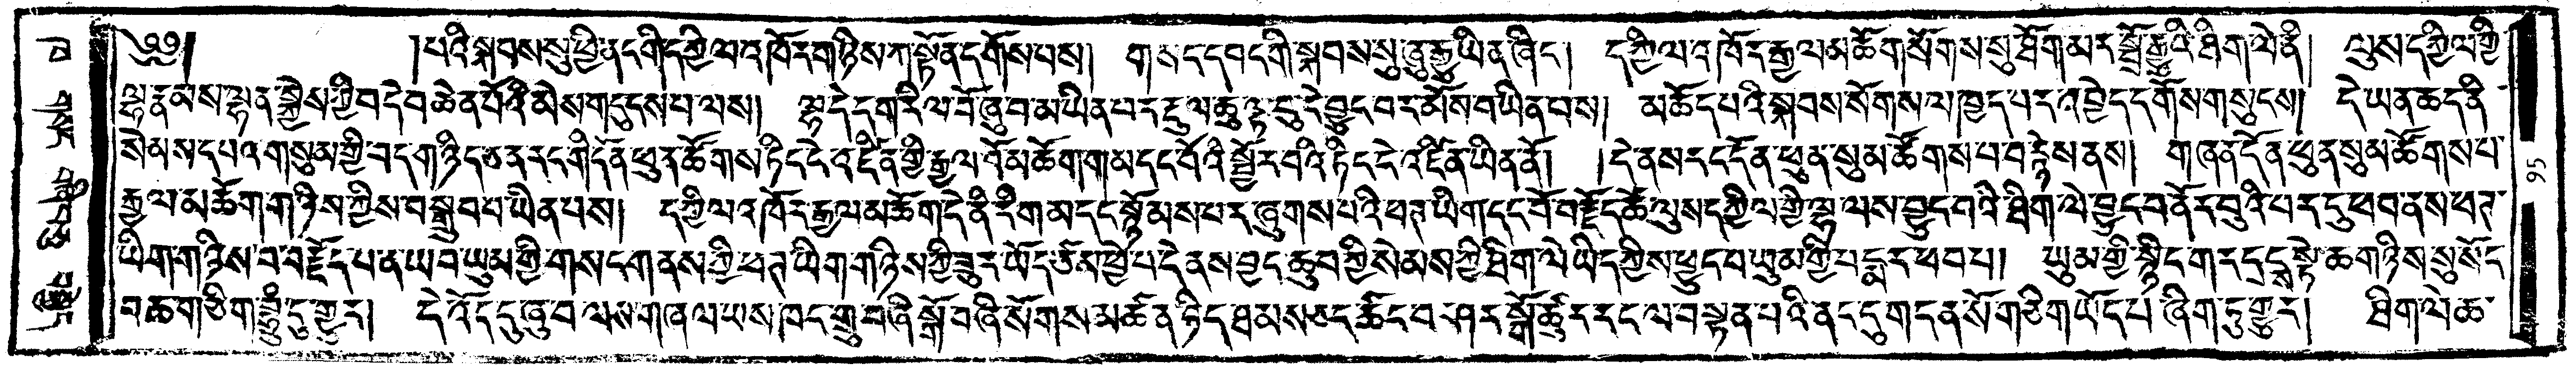༄༅། །པའི་སྐབས་སུ་ཕྱི་ནང་གི་དཀྱིལ་འཁོར་གཉིས་ཀ་སྟོན་དགོས་པས། གསང་དབང་གི་སྐབས་སུ་ཞུ་རྒྱུ་ཡིན་ཞིང་། དཀྱིལ་འཁོར་རྒྱལ་མཆོག་སོགས་སུ་ཐོག་མར་སྤྲོ་རྒྱུའི་ཐིག་ལེ་ནི། ལུས་དཀྱིལ་གྱི་
ལྷ་རྣམས་ལྷན་སྐྱེས་ཀྱི་བདེ་བ་ཆེན་པོའི་མེས་གདུངས་པ་ལས། ལྷ་དེ་དག་རིལ་བོ་ཞུ་བ་མ་ཡིན་པར་རྡུལ་ཆུ་ལྟ་བུ་དེ་བྱུང་བར་མོས་བ་ཡིན་པས། མཆོད་པའི་སྐབས་སོགས་ལ་ཁྱད་པར་འབྱེད་དགོས་གསུངས། དེ་ཡན་ཆད་ནི་
སེམས་དཔའ་གསུམ་གྱི་བདག་ཉིད་ཅན་རང་གི་དོན་ཕུན་ཚོགས་ཏིང་ངེ་འཛིན་གྱི་རྒྱལ་བོ་མཆོག་གམ་དང་བོའི་སྦྱོར་བའི་ཏིང་ངེ་འཛིན་ཡིན་ནོ། །དེ་ནས་རང་དོན་ཕུན་སུམ་ཚོགས་པ་བརྙེས་ནས། གཞན་དོན་ཕུན་སུམ་ཚོགས་པ་
རྒྱལ་མཆོག་གཉིས་ཀྱིས་བསྒྲུབ་པ་ཡིན་པས། དཀྱིལ་འཁོར་རྒྱལ་མཆོག་དེ་ནི་རིག་མ་དང་སྙོམས་པར་ཞུགས་པའི་ཕགས་ཡིག་དང་པོ་བརྗོད་ཚེ་ལུས་དཀྱིལ་གྱི་ལྷ་ལས་བྱུང་བའི་ཐིག་ལེ་བྱུང་བ་ནོར་བུའི་བར་དུ་ཕབ་ནས་ཕགས་
ཡིག་གཉིས་པ་བརྗོད་པ་ན་ཡབ་ཡུམ་གྱི་གསང་གནས་ཀྱི་ཕགས་ཡིག་གཉིས་ཀྱི་ཟུར་ཡོད་ཙམ་ཕྱེ་པ་དེ་ནས་བྱང་ཆུབ་ཀྱི་སེམས་ཀྱི་ཐིག་ལེ་ཡིད་ཀྱིས་ཕྱུང་བ་ཡུམ་གྱི་པདམར་ཕབ་པ། ཡུམ་གྱི་སྙིང་གར་དྲངས་སྟེ་ཆ་གཉིས་སུ་སོང་
བ་ཆ་གཅིག་བྷྲུཾ་དུ་གྱུར། དེ་འོད་དུ་ཞུ་བ་ལས་གཞལ་ཡས་ཁང་གྲུ་བཞི་སྒོ་བཞི་སོགས་མཚན་ཉིད་ཐམས་ཅད་ཚང་བ་ཤར་སྒོ་ཚུར་རང་ལ་བསྟན་པའི་ནང་དུ་གདན་སོ་གཅིག་ཡོད་པ་ཞིག་ཏུ་གྱུར། ཐིག་ལེ་ཆ་